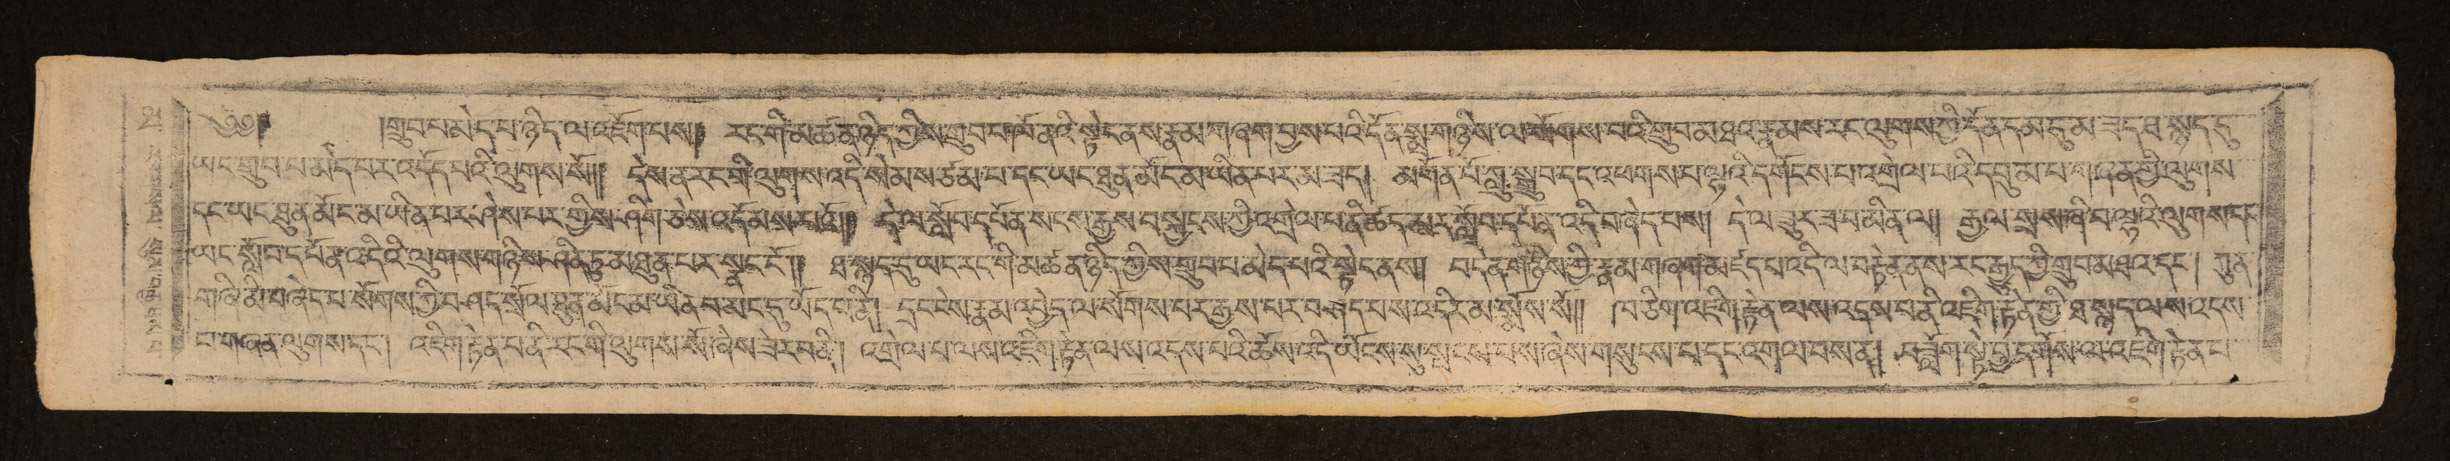༄༅། །གྲུབ་པ་མེད་པ་ཉིད་ལ་འཇོག་པས། རང་གི་མཚན་ཉིད་ཀྱིས་གྲུབ་པ་ཁོ་ནའི་སྟེང་ནས་རྣམ་གཞག་བྱས་པའི་དོན་སྨྲ་གཉིས་ལ་སོགས་པའི་གྲུབ་མཐའ་རྣམས་རང་ལུགས་ཀྱི་དོན་དམ་དུ་མ་ཟད་ཐ་སྙད་དུ་
ཡང་གྲུབ་པ་མེད་པར་འདོད་པའི་ལུགས་སོ།། དེས་ན་རང་གི་ལུགས་འདི་སེམས་ཙམ་པ་དང་ཡང་ཐུན་མོང་མ་ཡིན་པར་མ་ཟད། མགོན་པོ་ཀླུ་སྒྲུབ་དང་འཕགས་པ་ལྷའི་དགོངས་པ་འགྲེལ་པའི་དབུ་མ་པ་གཞན་གྱི་ལུགས་
དང་ཡང་ཐུན་མོང་མ་ཡིན་པར་ཤེས་པར་གྱིས་ཤིག་ཅེས་འདོམས་པའོ།། དེ་ལ་སློབ་དཔོན་སངས་རྒྱས་བསྐྱངས་ཀྱི་འགྲེལ་པ་ནི་ཚད་མར་སློབ་དཔོན་འདི་བཞེད་པས། དེ་ལ་ཟུར་ཟ་བ་མིན་ལ། རྒྱལ་སྲས་ཞི་བ་ལྷའི་ལུགས་དང་
ཡང་སློབ་དཔོན་འདིའི་ལུགས་གཉིས་ཤིན་ཏུ་མཐུན་པར་སྣང་ངོ།། ཐ་སྙད་དུ་ཡང་རང་གི་མཚན་ཉིད་ཀྱིས་གྲུབ་པ་མེད་པའི་སྟེང་ནས། བདེན་གཉིས་ཀྱི་རྣམ་གཞག་མཛད་པ་འདི་ལ་བརྟེན་ནས་རང་རྒྱུད་ཀྱི་གྲུབ་མཐའ་དང་། ཀུན་
གཞི་མི་བཞེད་པ་སོགས་ཀྱི་བཤད་སྲོལ་ཐུན་མོང་མ་ཡིན་པ་མང་དུ་ཡོད་པ་ནི། དྲང་ངེས་རྣམ་འབྱེད་ལ་སོགས་པར་རྒྱས་པར་བཤད་པས་འདིར་མ་སྨོས་སོ།། ཁ་ཅིག་འཇིག་རྟེན་ལས་འདས་པ་ནི་འཇིག་རྟེན་གྱི་ཐ་སྙད་ལས་འདས་
པ་གཞན་ལུགས་དང་། འཇིག་རྟེན་པ་ནི་རང་གི་ལུགས་སོ་ཞེས་ཟེར་བ་ནི། འགྲེལ་པ་ལས་འཇིག་རྟེན་ལས་འདས་པའི་ཆོས་འདི་ཡོངས་སུ་སྤངས་པས་ཞེས་གསུངས་པ་དང་འགལ་བས་ན། བཟློག་སྟེ་བྱ་དགོས་ལ་འཇིག་རྟེན་པ་